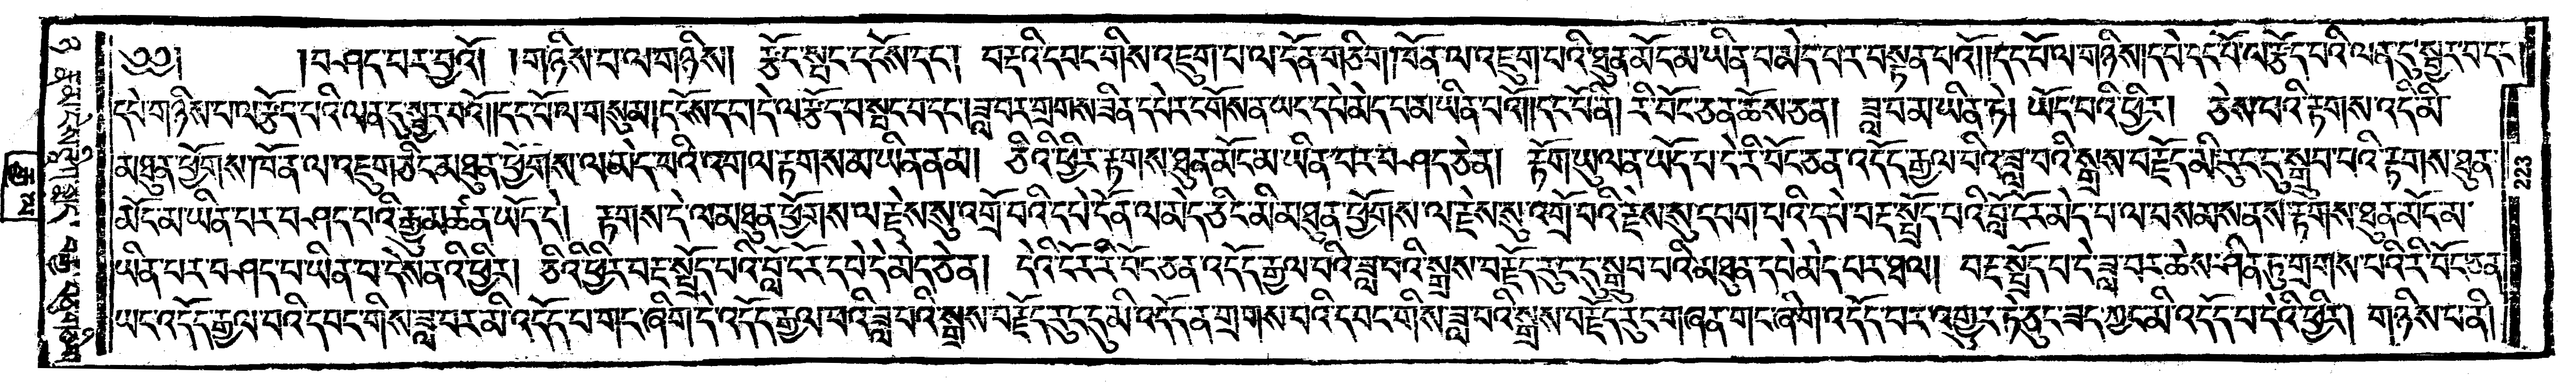༄༅། །བཤད་པར་བྱའོ། །གཉིས་པ་ལ་གཉིས། རྩོད་སྤང་དངོས་དང་། བརྡའི་དབང་གིས་འཇུག་པ་ལ་དོན་གཅིག་ཁོ་ན་ལ་འཇུག་པའི་ཐུན་མོང་མ་ཡིན་པ་མེད་པར་བསྟན་པའོ། །དང་པོ་ལ་གཉིས། དཔེ་དང་པོ་ལ་རྩོད་པའི་ལན་དུ་སྦྱར་བ་དང་
དཔེ་གཉིས་པ་ལ་རྩོད་པའི་ལན་དུ་སྦྱར་བའོ། །དང་པོ་ལ་གསུམ། དངོས་དང་། དེ་ལ་རྩོད་པ་སྤང་བ་དང་། ཟླ་བར་གྲགས་ཟིན་དཔེར་དགོས་ན་ཡང་དཔེ་མེད་པ་མ་ཡིན་པའོ། །དང་པོ་ནི། རི་བོང་ཅན་ཆོས་ཅན། ཟླ་བ་མ་ཡིན་ཏེ། ཡོད་པའི་ཕྱིར། ཅེས་པའི་རྟགས་འདི་མི་
མཐུན་ཕྱོགས་ཁོ་ན་ལ་འཇུག་ཅིང་མཐུན་ཕྱོགས་ལ་མེད་པའི་འགལ་རྟགས་མ་ཡིན་ནམ། ཅིའི་ཕྱིར་རྟགས་ཐུན་མོང་མ་ཡིན་པར་བཤད་ཅེ་ན། རྟོག་ཡུལ་ན་ཡོད་པ་དེ་རི་བོང་ཅན་འདོད་རྒྱལ་བའི་ཟླ་བའི་སྒྲས་བརྗོད་མི་རུང་དུ་སྒྲུབ་པའི་རྟགས་ཐུན་
མོང་མ་ཡིན་པར་བཤད་པའི་རྒྱུ་མཚན་ཡོད་དེ། རྟགས་དེ་ལ་མཐུན་ཕྱོགས་ལ་རྗེས་སུ་འགྲོ་བའི་དཔེ་དོན་ལ་མེད་ཅིང་མི་མཐུན་ཕྱོགས་ལ་རྗེས་སུ་འགྲོ་བའི་རྗེས་སུ་དཔག་པའི་དཔེ་བརྡ་སྤྲོད་པའི་བློ་ངོར་མེད་པ་ལ་བསམས་ནས་རྟགས་ཐུན་མོང་མ་
ཡིན་པར་བཤད་པ་ཡིན་པ་དེས་ནའི་ཕྱིར། ཅིའི་ཕྱིར་བརྡ་སྤྲོད་པའི་བློ་ངོར་དཔེ་དེ་མེད་ཅེ་ན། དེའི་ངོར་རི་བོང་ཅན་འདོད་རྒྱལ་བའི་ཟླ་བའི་སྒྲས་བརྗོད་རུང་དུ་སྒྲུབ་པའི་མཐུན་དཔེ་མེད་པར་ཐལ། བརྡ་སྤྲོད་པ་དེ་ཟླ་བར་ཆེས་ཤིན་ཏུ་གྲགས་པའི་རི་བོང་ཅན་
ཡང་འདོད་རྒྱལ་བའི་དབང་གིས་ཟླ་བར་མི་འདོད་པ་གང་ཞིག་དེ་འདོད་རྒྱལ་བའི་ཟླ་བའི་སྒྲས་བརྗོད་རུང་དུ་མི་འདོད་ན་གྲགས་པའི་དབང་གིས་ཟླ་བའི་སྒྲས་བརྗོད་རུང་གཞན་གང་ཞིག་འདོད་པར་འགྱུར་ཏེ་ཅུང་ཟད་ཀྱང་མི་འདོད་པ་དེའི་ཕྱིར། གཉིས་པ་ནི།